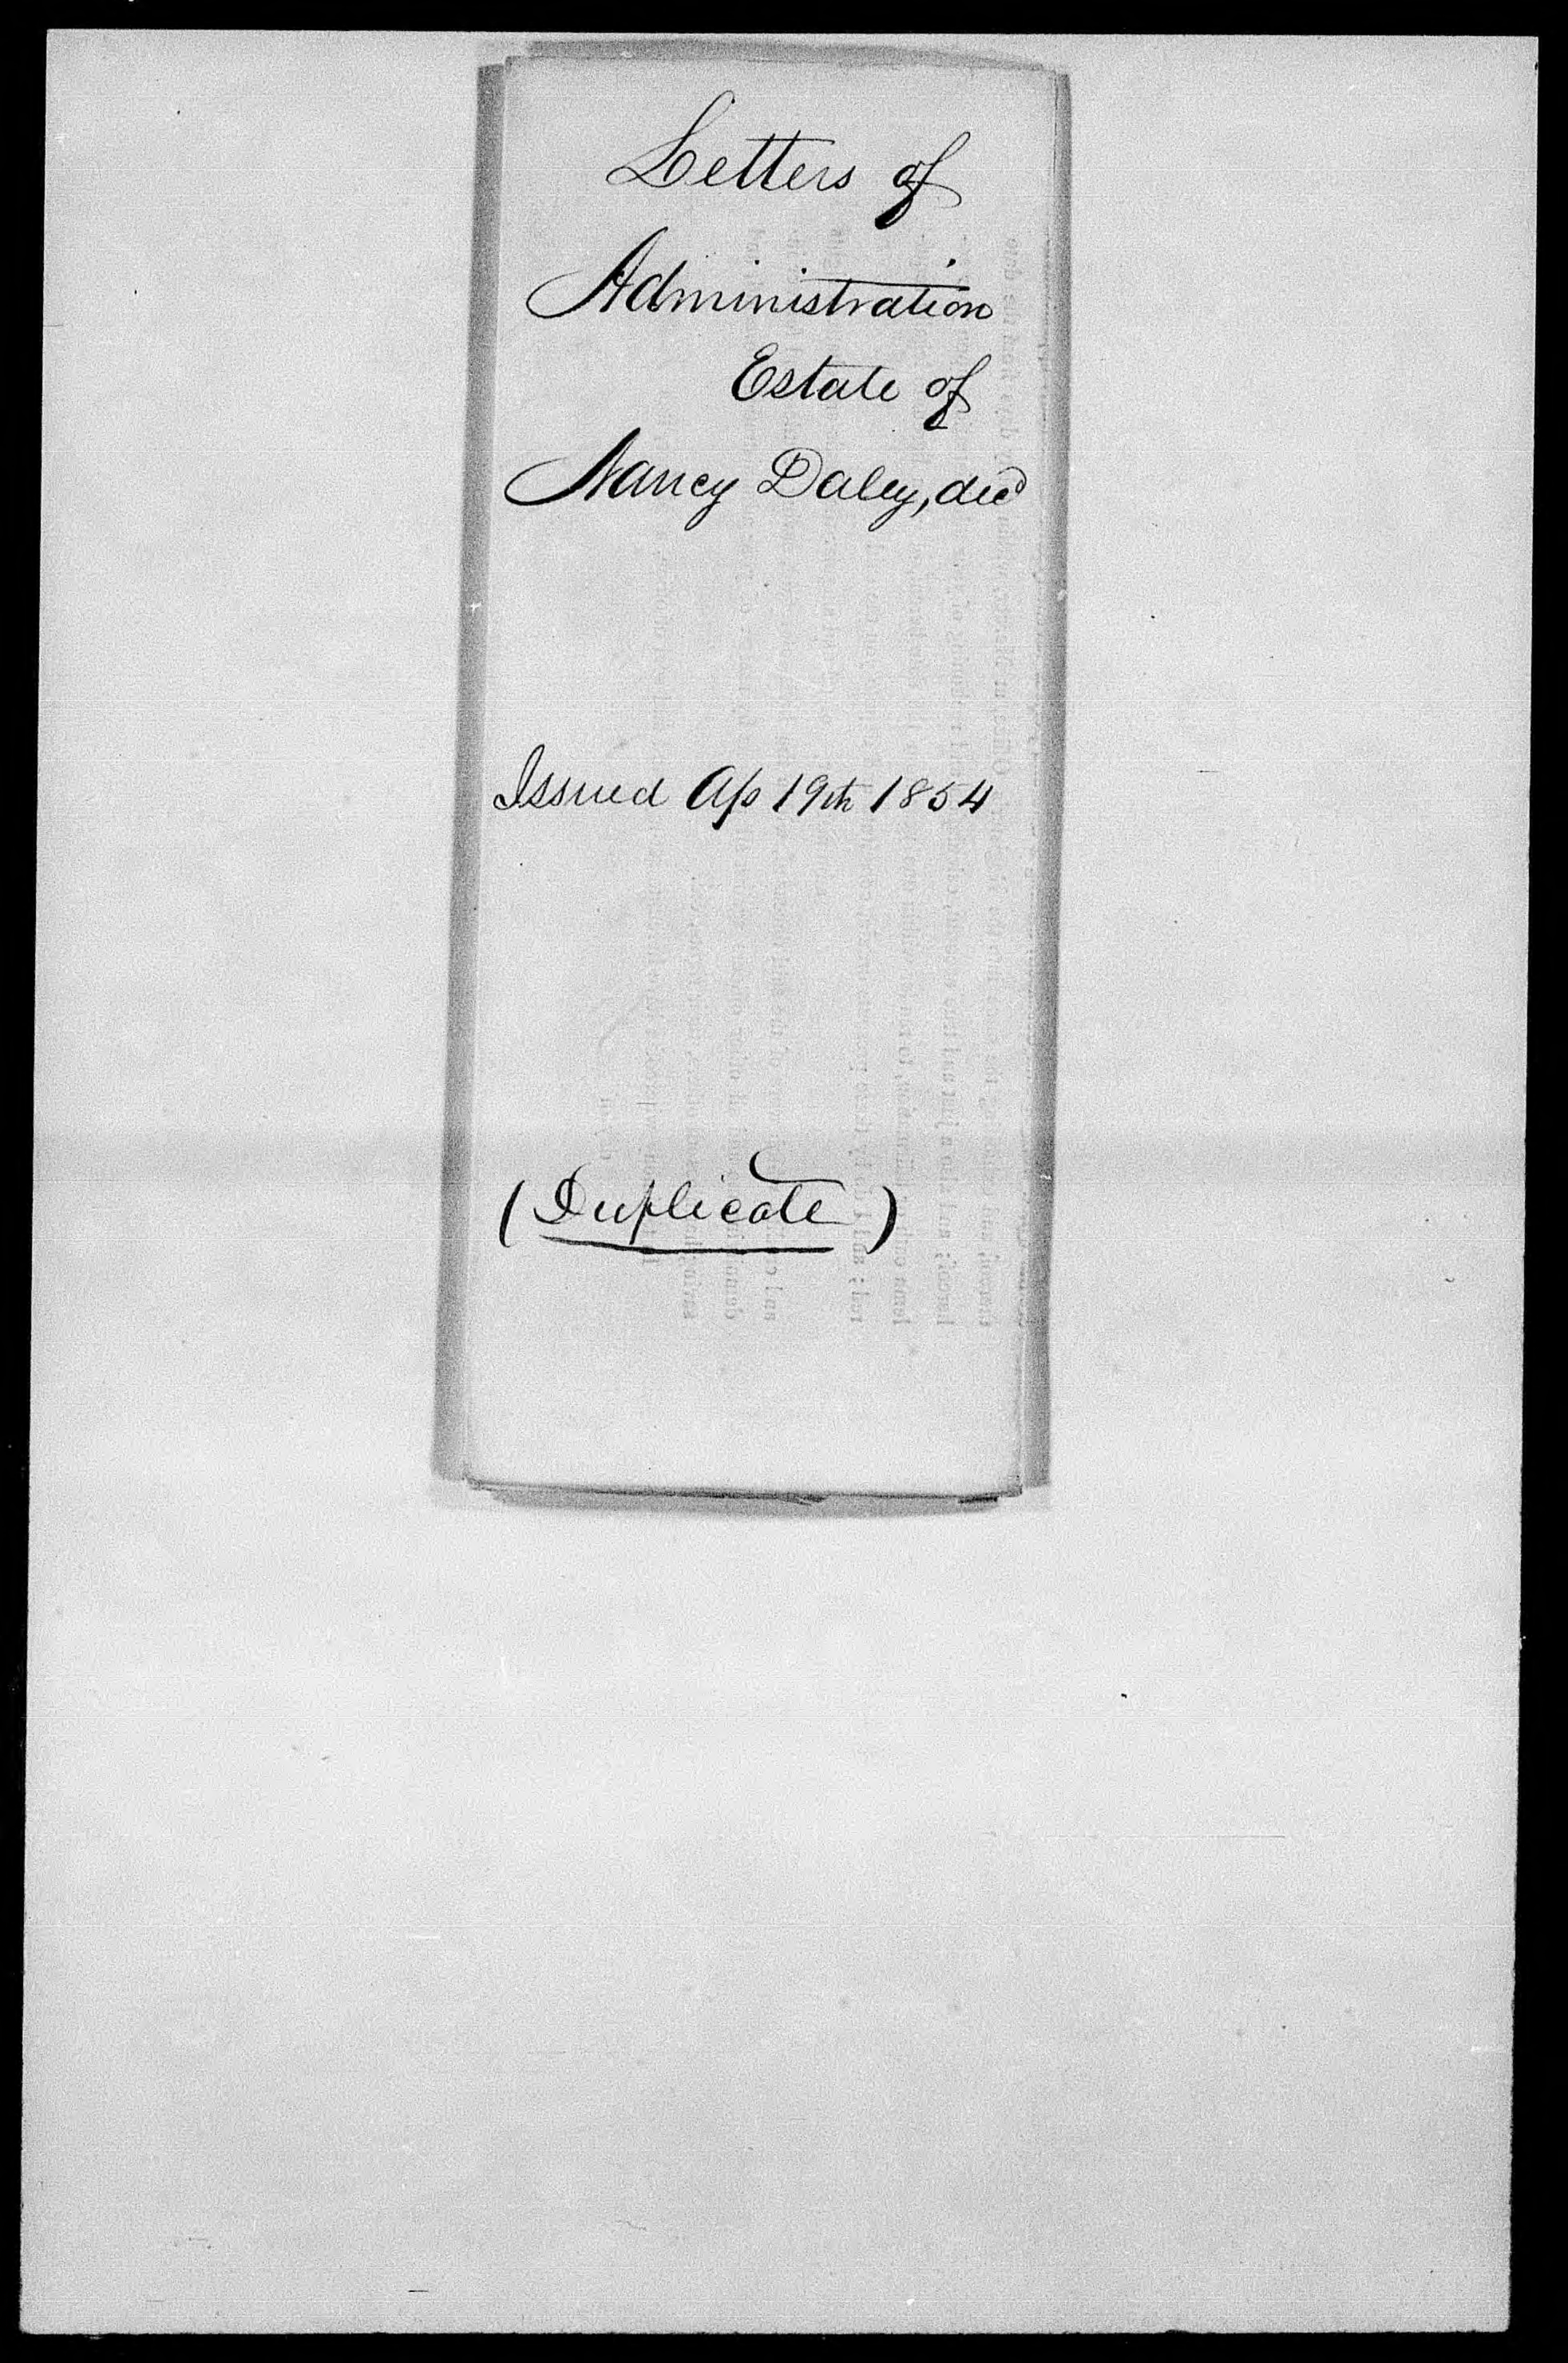Letters of
Administration
Estate of
Nancy Daley, dec.

Issued Ap 19th 1854

(Duplicate)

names: Nancy Daley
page: 35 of 63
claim: widow's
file: W. 3228, John Daly, Penn.